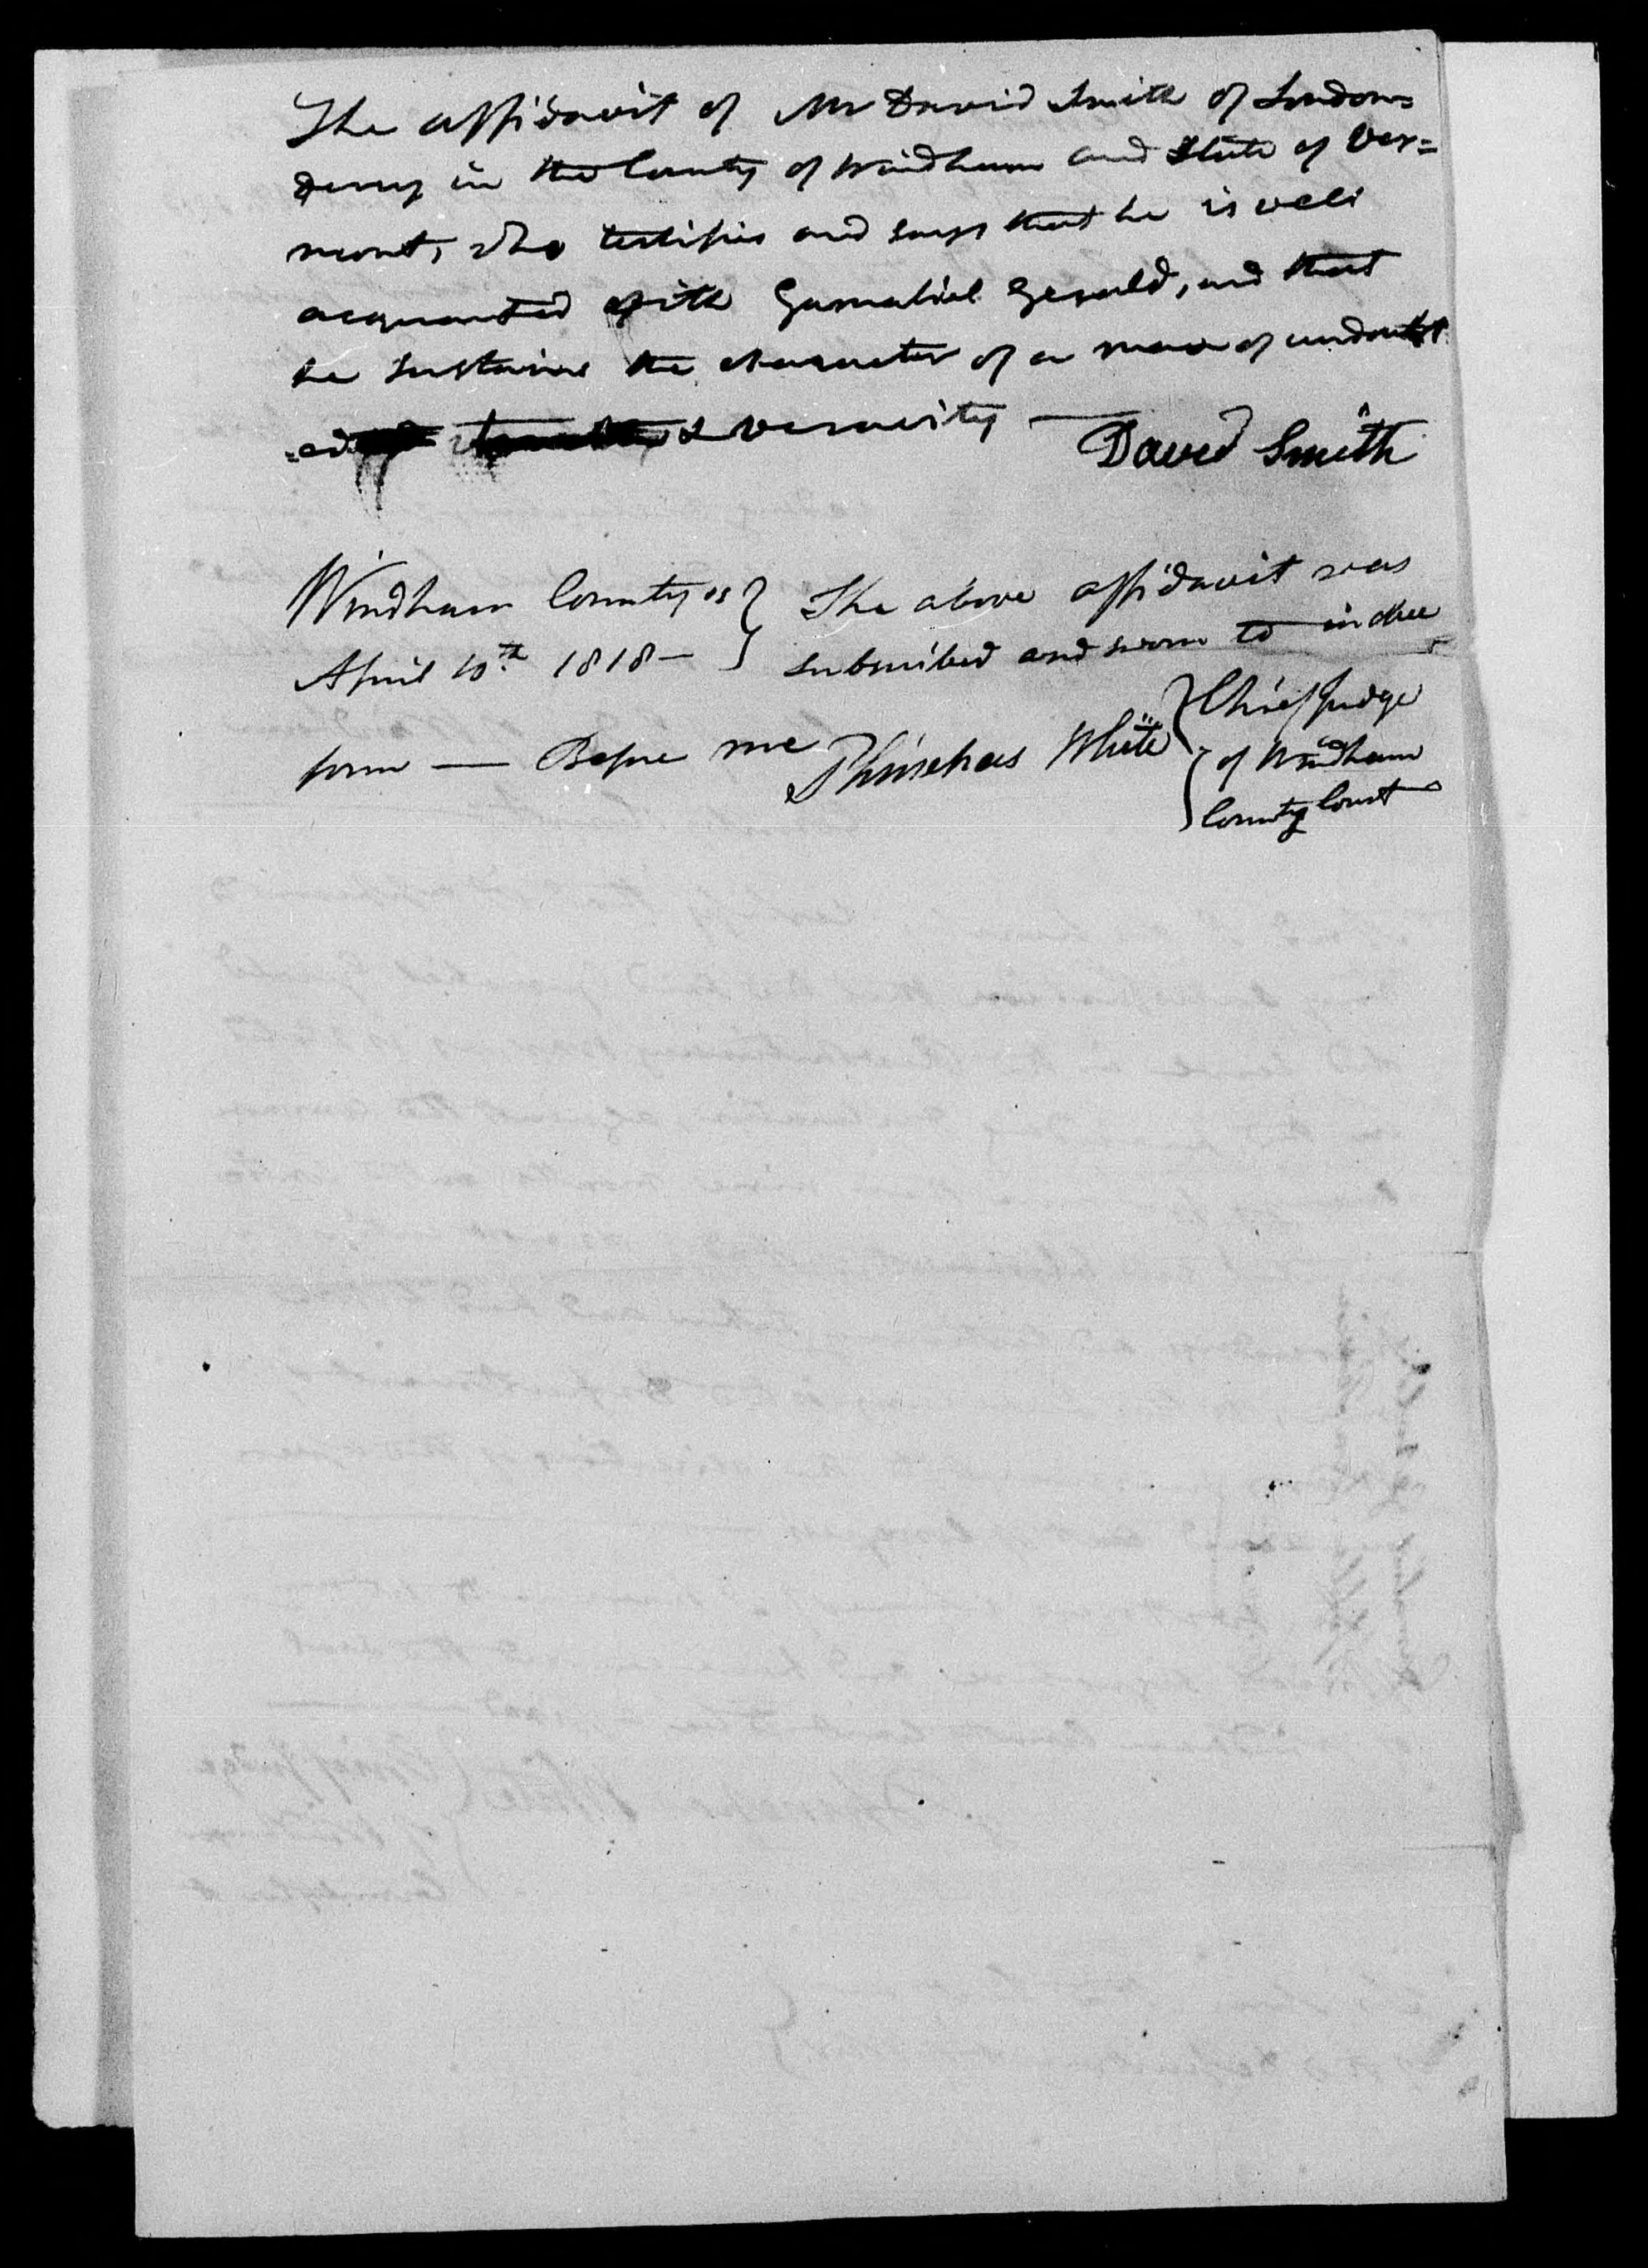The affidavit of Mr. David Smith of Londonderry in the County of Windham and State of Vermont, who testifies and says that he is well acquainted with Gamaliel Garland, and that he sustains the character of a man of undoubted veracity - 
David Smith (signature)

Windham County ss 
April 10th 1818}

The above affidavit was subscribed and sworn to in due form - before me 
Phinehas White (signature)
}Chief Judge of Wyndham County Court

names: Phinehas White, David Smith, Gamabiel Gerald, David Smith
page: 13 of 26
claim: widow's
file: W. 25619, Gamaliel Gerald, Mass.